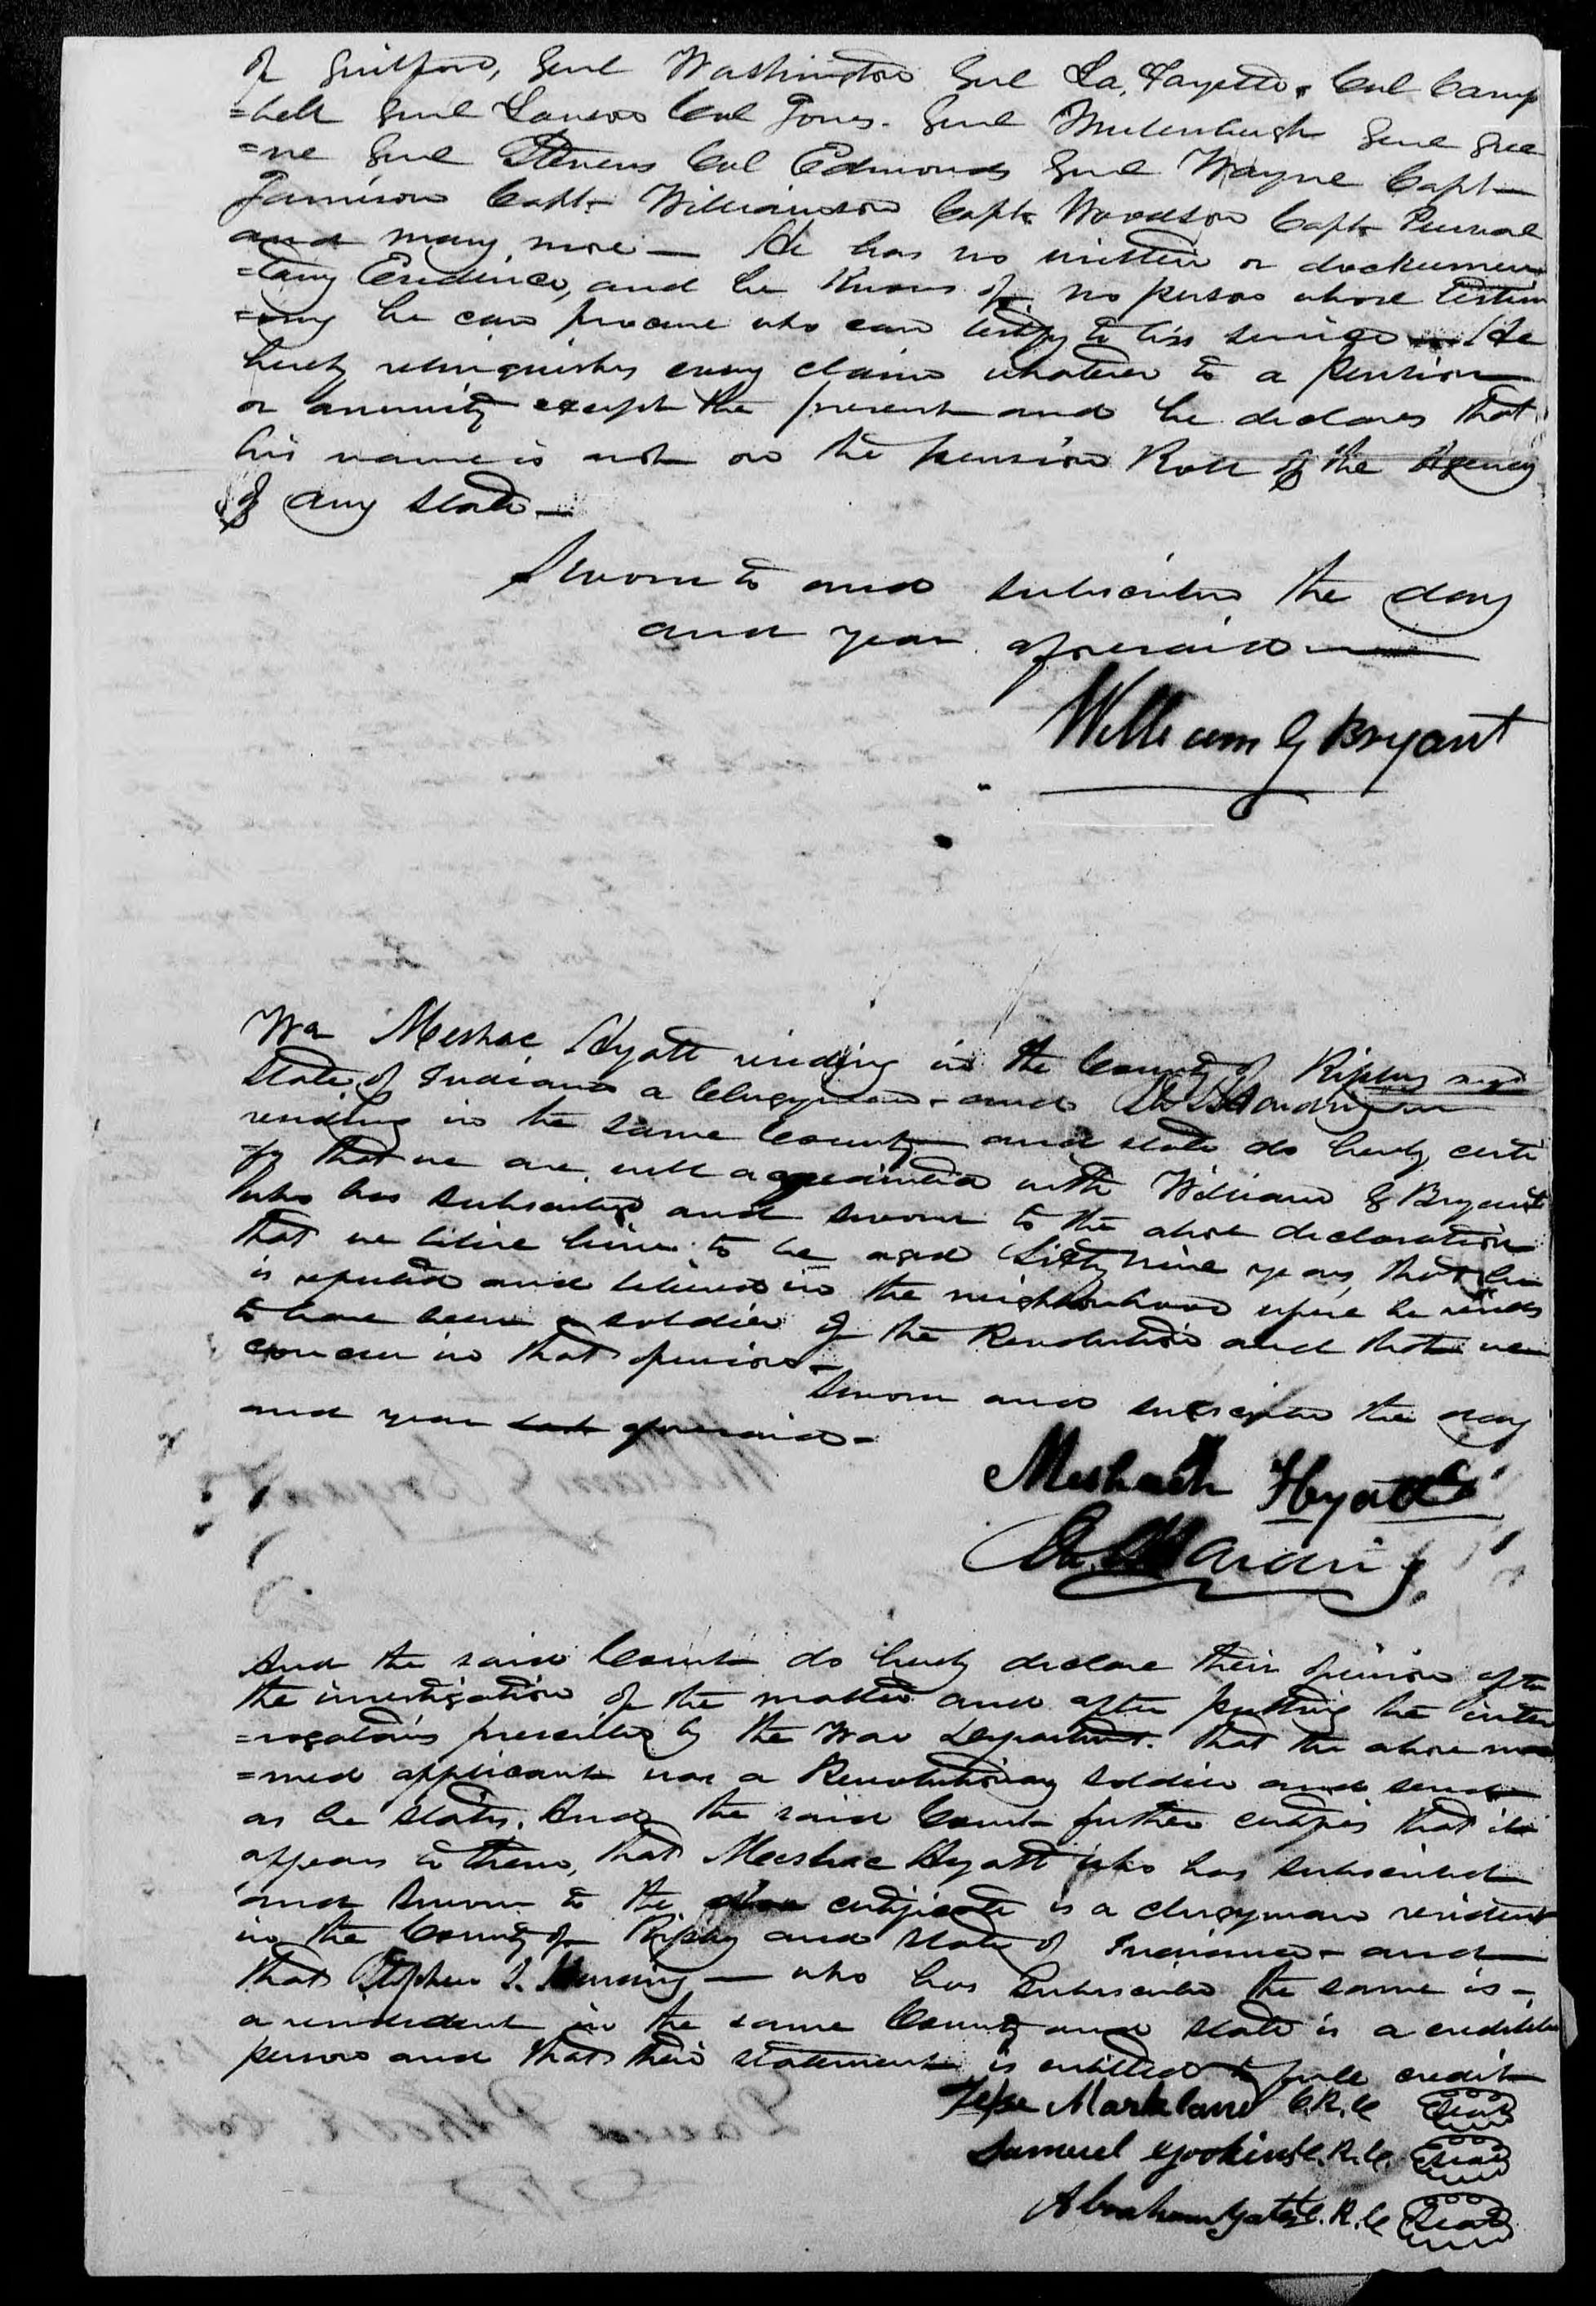at Guilford, Genl. Washington Genl. LaFayette Col Campbell and Lanson Genl. Jones  Genl. Mitenburgh Genl. Greene Genl. Stevens Col Edwards Genl. Wayne Capt. Jamison Capt. Williamson Capt. Woodson Capt. Purnal and many more - He has no written or dockumentary evidence, and he know of no person whose testimony he can procure who can testify to his service - He hereby relinquishes every claim whatever to a pension or annuity except the present and he declares that his name is not on the pension roll of the Agency of any state.
Sworn to and subscribed the day and year aforesaid.
William G. Bryant

We Meshac Hyatt residing in the County of Ripley and State of Indiana a clergyman and A.S Harding residing in the same county and state do hereby certify that we are well acquainted with William G. Bryant who has subscribed and sworn to the above declaration that we belive him to be aged sixty nine years, that he is reputed and believed in the neighborhood where he resides to have been a soldier of the Revolution and that we concur in that opinion.
Sworn and subscribed the day and year aforesaid.
Meshach Hyatt
A.S. Harding

And the said Court do hereby declare their opinion of the investigation of the matter and after putting the interogatories prescribed by the War Department that the above named applicant was a Revolutionary soldier and served as he states.  And the said Court further certifies that it appears to them, that Meschac Hyatt who has subscribed and sworn to the above certificate is a clergyman resident in the County of Ripley and State of Indiana and that Stephen D. Harding who has subscribed the same is a resident in the same County and state is a credible person and that their statement is entitled to full credit.
Zeke Markland C.R.C.  handwritten seal
Samuel Goskin C.R.C. handwritten seal
Abraham Gates C.R.C.  handwritten seal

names: Meshac Hyatt, Samuel Goskin, Williamson, Jones, A D S Harding, Washington, Greene, Purnal, Meshach Hyatt, William S Bryant, Edwards, Meshac Hyatt, Mulenbergh, Stevens, Abraham Gates, William G Bryant, La Fayette, Campbell, Wayne, Woodson, Jesse Markland, Lawson, Jamison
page: 5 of 31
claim: survivor's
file: S. 3049, William G Bryant, Va.